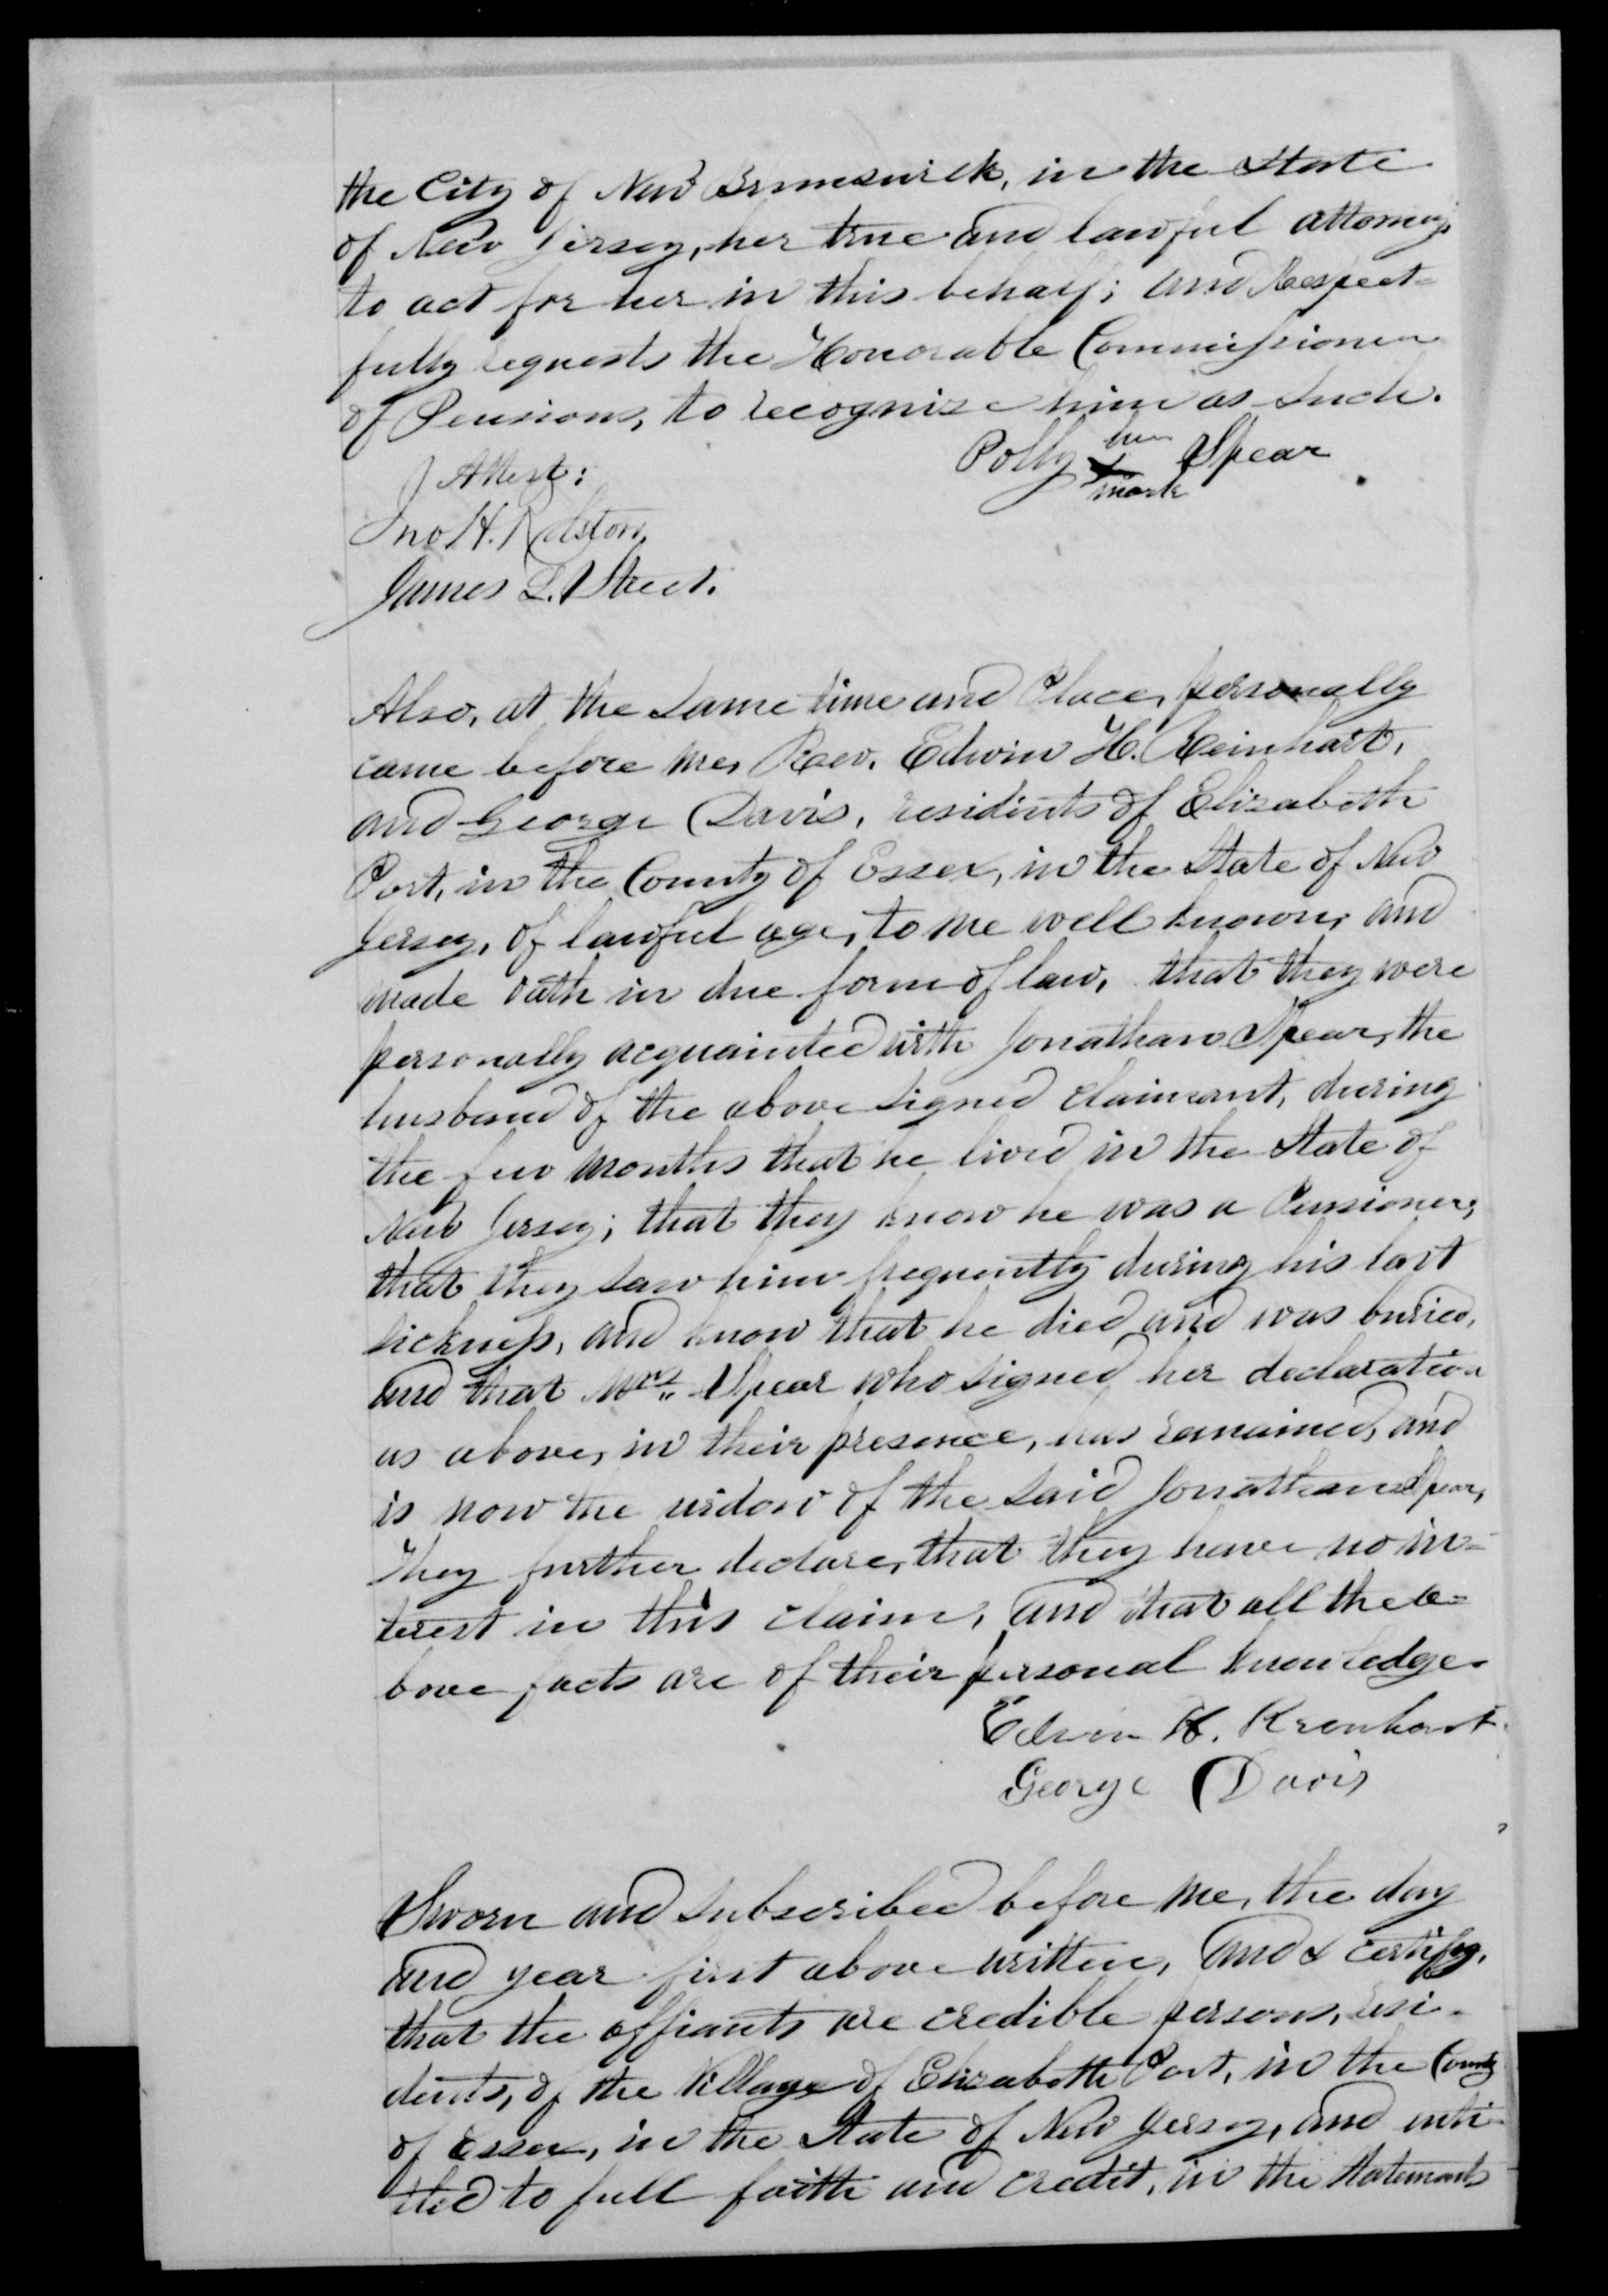the City of New Brunswick, in the State of New Jersey, her true and lawful attorney, to act for her in this behalf; and respectfully requests the Honorable Commissioner of Pensions, to recognize him as such.
/s/X her mark Polly Spear
Attest: /s/Jno H. Rolston
/s/James L. Street.
Also, at the same time and Place, personally came before me, Rev. Edwin H. Reinhart, and George Davis, residents Elizabeth Port, in the County of Essex, in the State of New Jersey, of lawful age, to me well known, and made oath in due form of law, that they were personally acquainted with Jonathan Spear, the husband of the above signed claimant, during the few months that he lived in the State of New Jersey; that they knew he was a Pensioner, that they saw him frequently during his last sickness, and know that he died and was buried, and that Mrs. Spear who signed her declaration as above, in their presence, has remained,, and is now the widow of the said Jonathan Spear They further declare, that they have no interest in this claim, and that all the above facts are of their personal knowledge.
/s/Edwin H. Reinhart
/s/George Davis
Sworn and subscribed before me, the day and year first above written, and I certify, that the affiants are credible persons, residents of the Village of Elizabeth Port, in the County of Essex, in the State of New Jersey, and entitled to full faith and credit, in the Statements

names: George Davis; George Davis; Polly Spear; Jonathan Spear; Jno H Rolston; [BLANK] Spear; Edwin H Reinhart; James L Street; Jonathan Spear; Edwin H Reinhart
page: 19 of 65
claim: widow's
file: W. 7197, for Jonathan Spear, Vermont